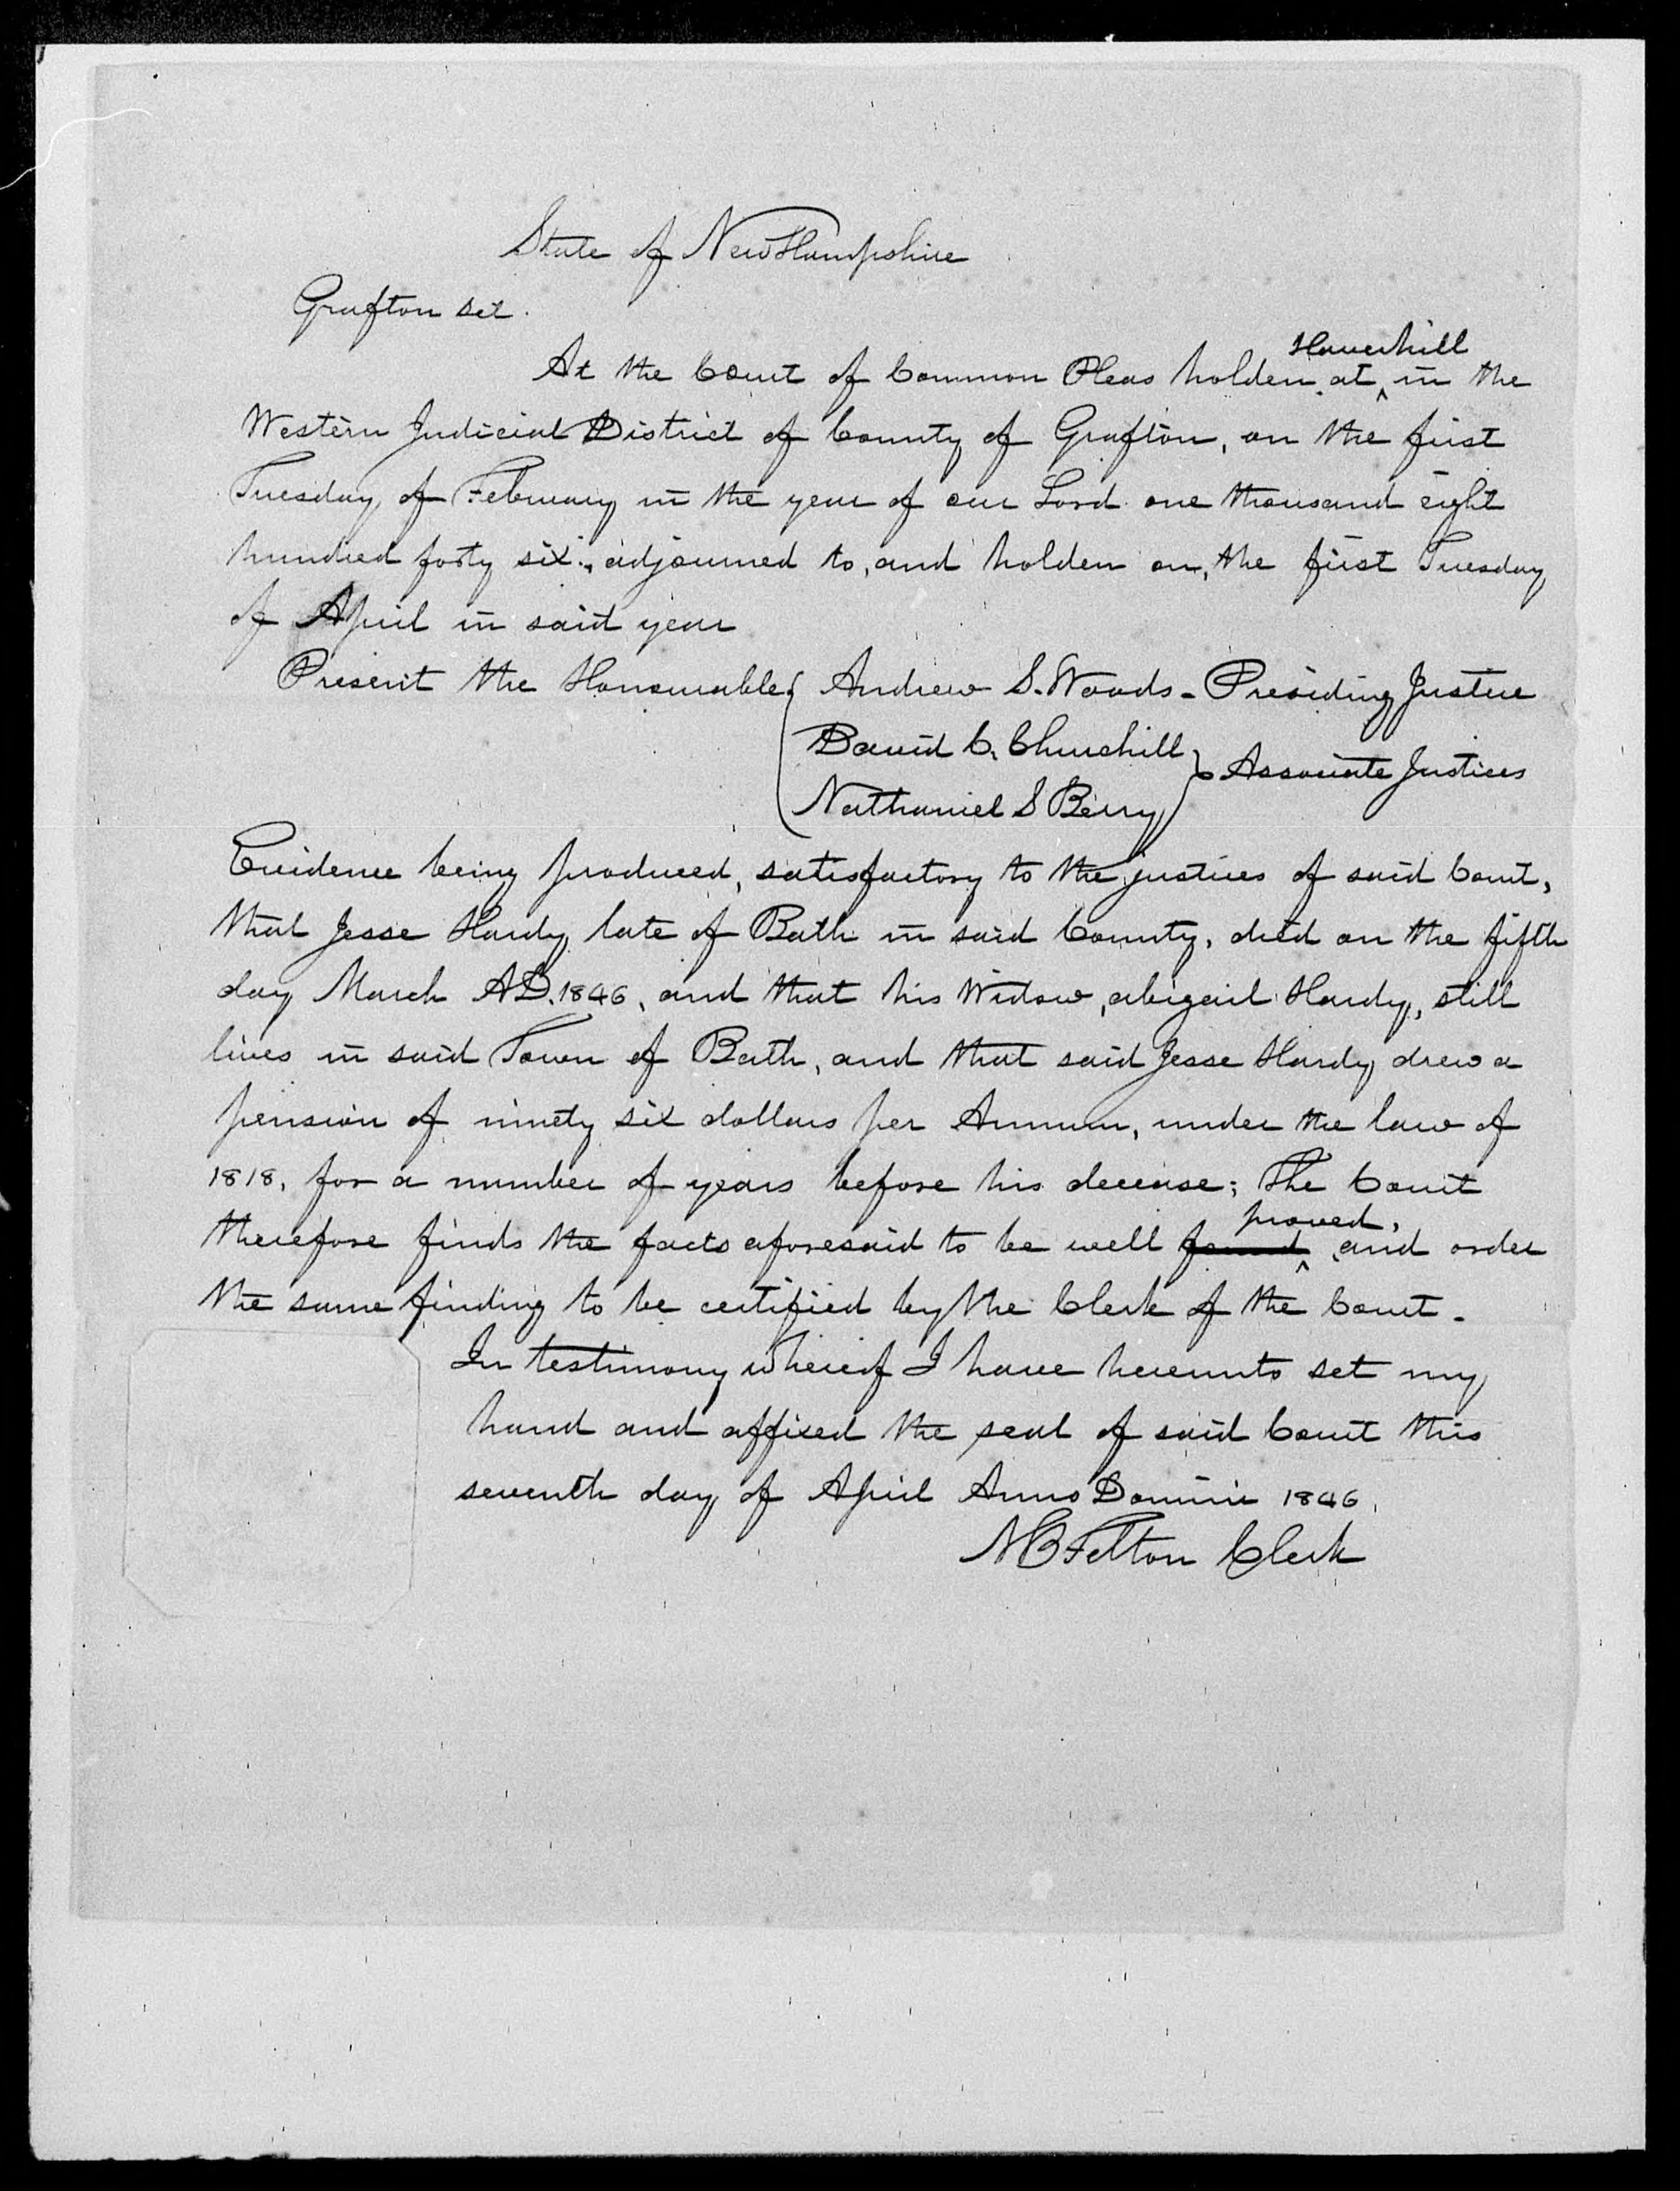State of New Hampshire 
Grafton bet.
At the Court of Common Pleas Holders at Haverhill in the Western Judicial District of County of Grafton, on the first Tuesday of February in the year of our lord one thousand eight hundred forty six adjourned to, and holden on, the first Tuesday of April in said year
Present the Honorable
Andrew S. Woods. Presiding Justice
David C. Churchill associate Justice
Nathaniel S. Berry Associate Justice
Evidence being Introduced, satisfactory to the justices of said court, that Jesse Hardy late of Bath in said County, died on the fifth day March AD 1846 and that his widow, Abigail Hardy, still lives in said town of Bath, and that said Jesse Hardy drew pension of ninety six dollars per Annum, under the law of 1818, for a number of years before his decease; The court therefore finds the facts foresaid to be well framed, and order the summe finding to be certified by Mr Clark of the Court.
In testimony whereif I have herewite set my hand and affixed the seal of said court this seventh day of April Annus Dominic 1846.
N.B Felton Clerk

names: Nathaniel S Berry, Jesse Hardy, Abigail Hardy, Jesse Hardy, David C Churchill, Andrew S Woods, N B Felton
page: 57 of 67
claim: widow's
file: W. 23183, Jesse Hardy, Mass.